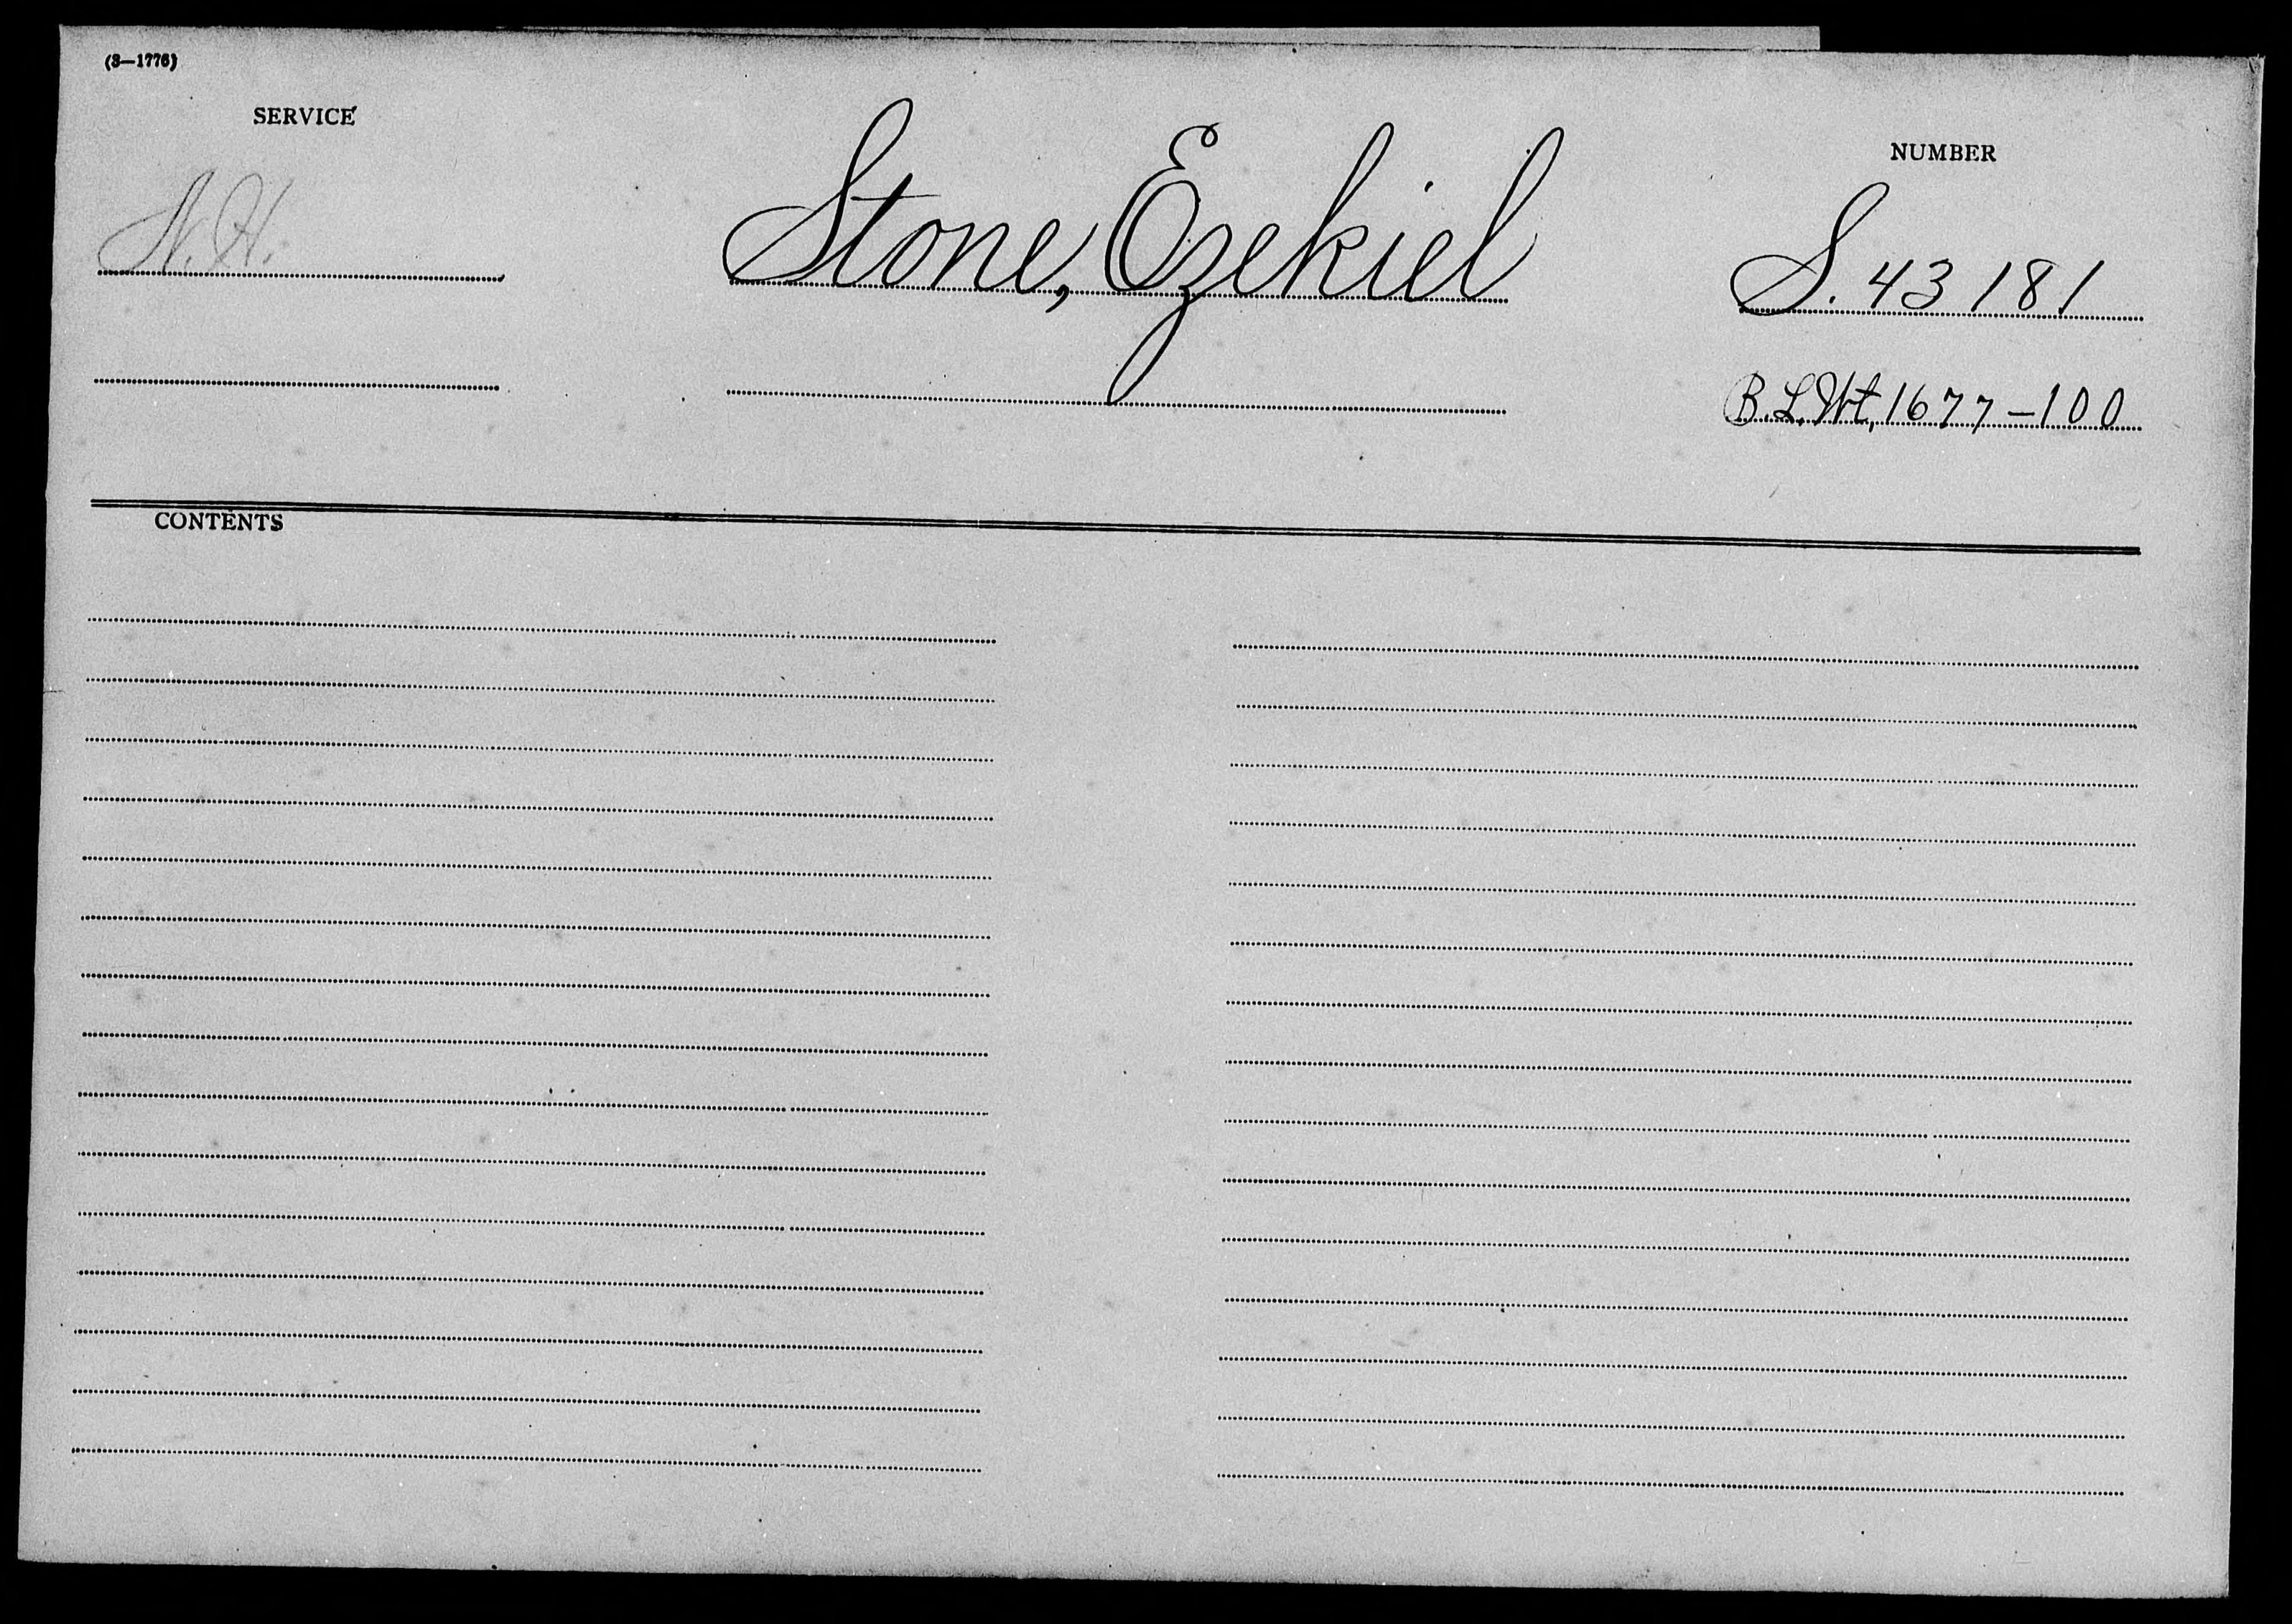(3-1776)

SERVICE
N.H.

Stone, Ezekiel

NUMBER
S. 43181
B.L.Wt. 1677-100

CONTENTS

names: [BLANK]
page: 1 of 38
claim: survivor's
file: S. 43181, for Ezekiel Stone, New Hampshire